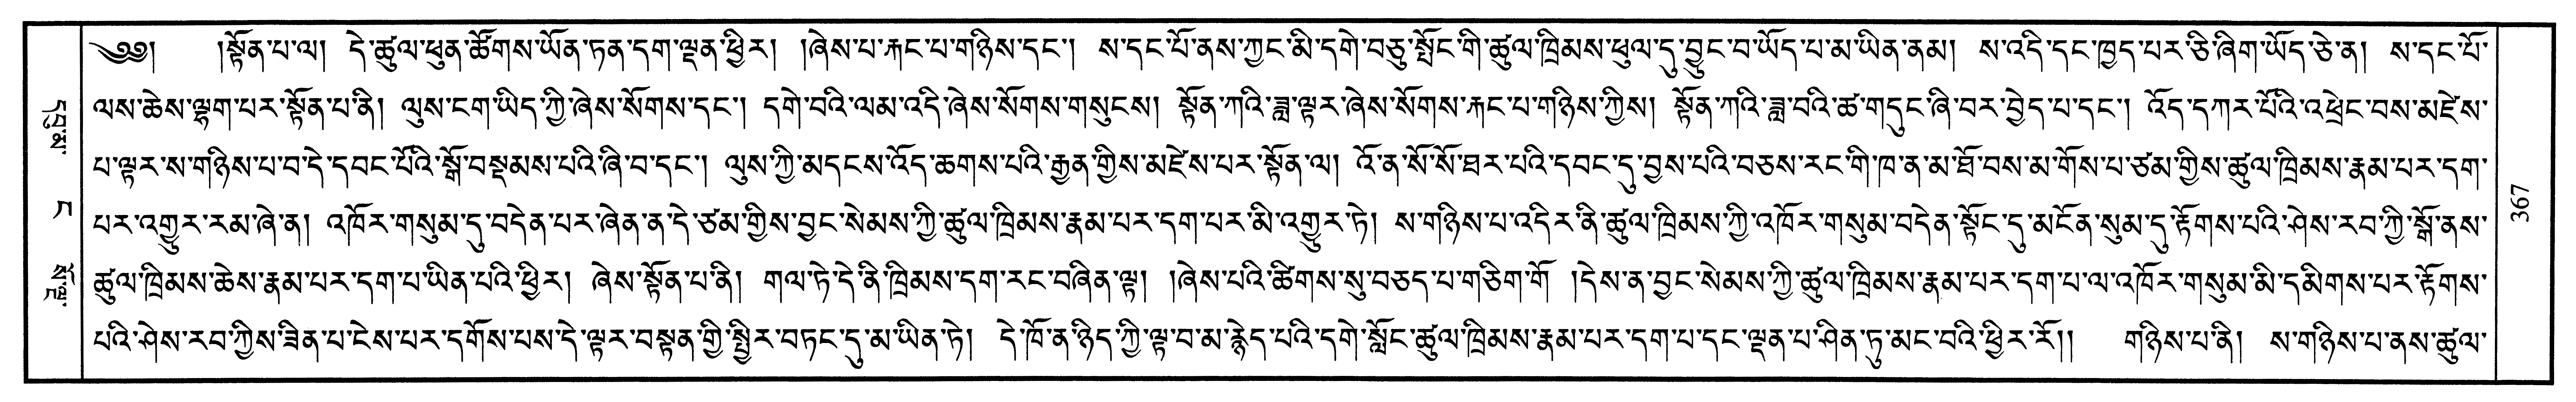༄༅། །སྟོན་པ་ལ། དེ་ཚུལ་ཕུན་ཚོགས་ཡོན་ཏན་དག་ལྡན་ཕྱིར། །ཞེས་པ་རྐང་པ་གཉིས་དང་། ས་དང་པོ་ནས་ཀྱང་མི་དགེ་བཅུ་སྤོང་གི་ཚུལ་ཁྲིམས་ཕུལ་དུ་བྱུང་བ་ཡོད་པ་མ་ཡིན་ནམ། ས་འདི་དང་ཁྱད་པར་ཅི་ཞིག་ཡོད་ཅེ་ན། ས་དང་པོ་
ལས་ཆེས་ལྷག་པར་སྟོན་པ་ནི། ལུས་ངག་ཡིད་ཀྱི་ཞེས་སོགས་དང་། དགེ་བའི་ལམ་འདི་ཞེས་སོགས་གསུངས། སྟོན་ཀའི་ཟླ་ལྟར་ཞེས་སོགས་རྐང་པ་གཉིས་ཀྱིས། སྟོན་ཀའི་ཟླ་བའི་ཚ་གདུང་ཞི་བར་བྱེད་པ་དང་། འོད་དཀར་པོའི་འཕྲེང་བས་མཛེས་
པ་ལྟར་ས་གཉིས་པ་བ་དེ་དབང་པོའི་སྒོ་བསྡམས་པའི་ཞི་བ་དང་། ལུས་ཀྱི་མདངས་འོད་ཆགས་པའི་རྒྱན་གྱིས་མཛེས་པར་སྟོན་ལ། འོ་ན་སོ་སོ་ཐར་པའི་དབང་དུ་བྱས་པའི་བཅས་རང་གི་ཁ་ན་མ་ཐོ་བས་མ་གོས་པ་ཙམ་གྱིས་ཚུལ་ཁྲིམས་རྣམ་པར་དག་
པར་འགྱུར་རམ་ཞེ་ན། འཁོར་གསུམ་དུ་བདེན་པར་ཞེན་ན་དེ་ཙམ་གྱིས་བྱང་སེམས་ཀྱི་ཚུལ་ཁྲིམས་རྣམ་པར་དག་པར་མི་འགྱུར་ཏེ། ས་གཉིས་པ་འདིར་ནི་ཚུལ་ཁྲིམས་ཀྱི་འཁོར་གསུམ་བདེན་སྟོང་དུ་མངོན་སུམ་དུ་རྟོགས་པའི་ཤེས་རབ་ཀྱི་སྒོ་ནས་
ཚུལ་ཁྲིམས་ཆེས་རྣམ་པར་དག་པ་ཡིན་པའི་ཕྱིར། ཞེས་སྟོན་པ་ནི། གལ་ཏེ་དེ་ནི་ཁྲིམས་དག་རང་བཞིན་ལྟ། །ཞེས་པའི་ཚིགས་སུ་བཅད་པ་གཅིག་གོ །དེས་ན་བྱང་སེམས་ཀྱི་ཚུལ་ཁྲིམས་རྣམ་པར་དག་པ་ལ་འཁོར་གསུམ་མི་དམིགས་པར་རྟོགས་
པའི་ཤེས་རབ་ཀྱིས་ཟིན་པ་ངེས་པར་དགོས་པས་དེ་ལྟར་བསྟན་གྱི་སྤྱིར་བཏང་དུ་མ་ཡིན་ཏེ། དེ་ཁོ་ན་ཉིད་ཀྱི་ལྟ་བ་མ་རྙེད་པའི་དགེ་སློང་ཚུལ་ཁྲིམས་རྣམ་པར་དག་པ་དང་ལྡན་པ་ཤིན་ཏུ་མང་བའི་ཕྱིར་རོ།། གཉིས་པ་ནི། ས་གཉིས་པ་ནས་ཚུལ་